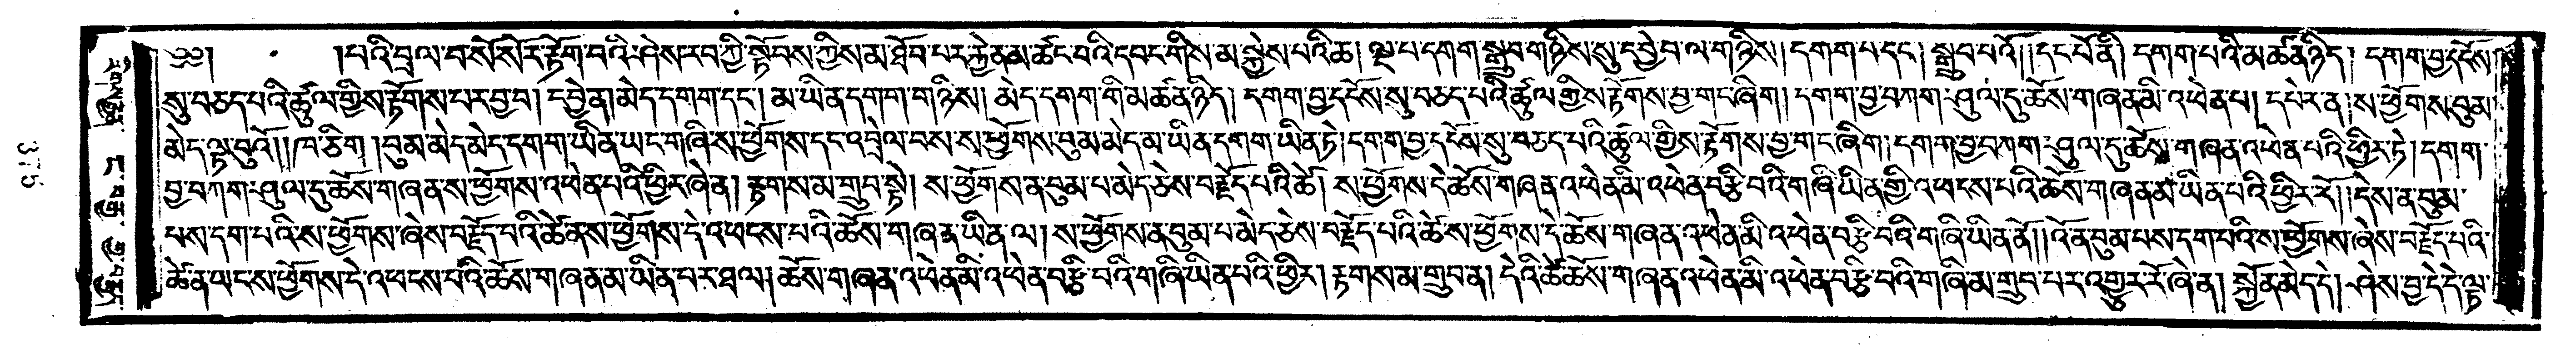༄༅། །པའི་བྲལ་བ་སོ་སོར་རྟོག་པའི་ཤེས་རབ་ཀྱི་སྟོབས་ཀྱིས་མ་ཐོབ་པར་རྐྱེན་མ་ཚང་བའི་དབང་གིས་མ་སྐྱེས་པའི་ཆ། ལྔ་པ་དགག་སྒྲུབ་གཉིས་སུ་དབྱེ་བ་ལ་གཉིས། དགག་པ་དང་། སྒྲུབ་པའོ། །དང་པོ་ནི། དགག་པའི་མཚན་ཉིད། དགག་བྱ་དངོས་
སུ་བཅད་པའི་ཚུལ་གྱིས་རྟོགས་པར་བྱ་བ། དབྱེ་ན། མེད་དགག་དང་། མ་ཡིན་དགག་གཉིས། མེད་དགག་གི་མཚན་ཉིད། དགག་བྱ་དངོས་སུ་བཅད་པའི་ཚུལ་གྱིས་རྟོགས་བྱ་གང་ཞིག ། དགག་བྱ་བཀག་ཤུལ་དུ་ཆོས་གཞན་མི་འཕེན་པ། དཔེར་ན། ས་ཕྱོགས་བུམ་
མེད་ལྟ་བུའོ། །ཁ་ཅིག ། བུམ་མེད་མེད་དགག་ཡིན་ཡང་གཞི་ས་ཕྱོགས་དང་འབྲེལ་བས་ས་ཕྱོགས་བུམ་མེད་མ་ཡིན་དགག་ཡིན་ཏེ། དགག་བྱ་དངོས་སུ་བཅད་པའི་ཚུལ་གྱིས་རྟོགས་བྱ་གང་ཞིག ། དགག་བྱ་བཀག་ཤུལ་དུ་ཆོས་གཞན་འཕེན་པའི་ཕྱིར་ཏེ། དགག་
བྱ་བཀག་ཤུལ་དུ་ཆོས་གཞན་ས་ཕྱོགས་འཕེན་པའི་ཕྱིར་ཞེ་ན། རྟགས་མ་གྲུབ་སྟེ། ས་ཕྱོགས་ན་བུམ་པ་མེད་ཅེས་བརྗོད་པའི་ཚེ། ས་ཕྱོགས་དེ་ཆོས་གཞན་འཕེན་མི་འཕེན་བརྩི་བའི་གཞི་ཡིན་གྱི་འཕངས་པའི་ཆོས་གཞན་མ་ཡིན་པའི་ཕྱིར་རོ། །དེས་ན་བུམ་
པས་དག་པའི་ས་ཕྱོགས་ཞེས་བརྗོད་པའི་ཚེ་ན་ས་ཕྱོགས་དེ་འཕངས་པའི་ཆོས་གཞན་ཡིན་ལ། ས་ཕྱོགས་ན་བུམ་པ་མེད་ཅེས་བརྗོད་པའི་ཚེ་ས་ཕྱོགས་དེ་ཆོས་གཞན་འཕེན་མི་འཕེན་བརྩི་བའི་གཞི་ཡིན་ནོ། །འོ་ན་བུམ་པས་དག་པའི་ས་ཕྱོགས་ཞེས་བརྗོད་པའི་
ཚེ་ན་ཡང་ས་ཕྱོགས་དེ་འཕངས་པའི་ཆོས་གཞན་མ་ཡིན་པར་ཐལ། ཆོས་གཞན་འཕེན་མི་འཕེན་བརྩི་བའི་གཞི་ཡིན་པའི་ཕྱིར། རྟགས་མ་གྲུབ་ན། དེའི་ཚེ་ཆོས་གཞན་འཕེན་མི་འཕེན་བརྩི་བའི་གཞི་མ་གྲུབ་པར་འགྱུར་རོ་ཞེ་ན། སྐྱོན་མེད་དེ། ཤེས་བྱ་དེ་དེ་ལྟ་